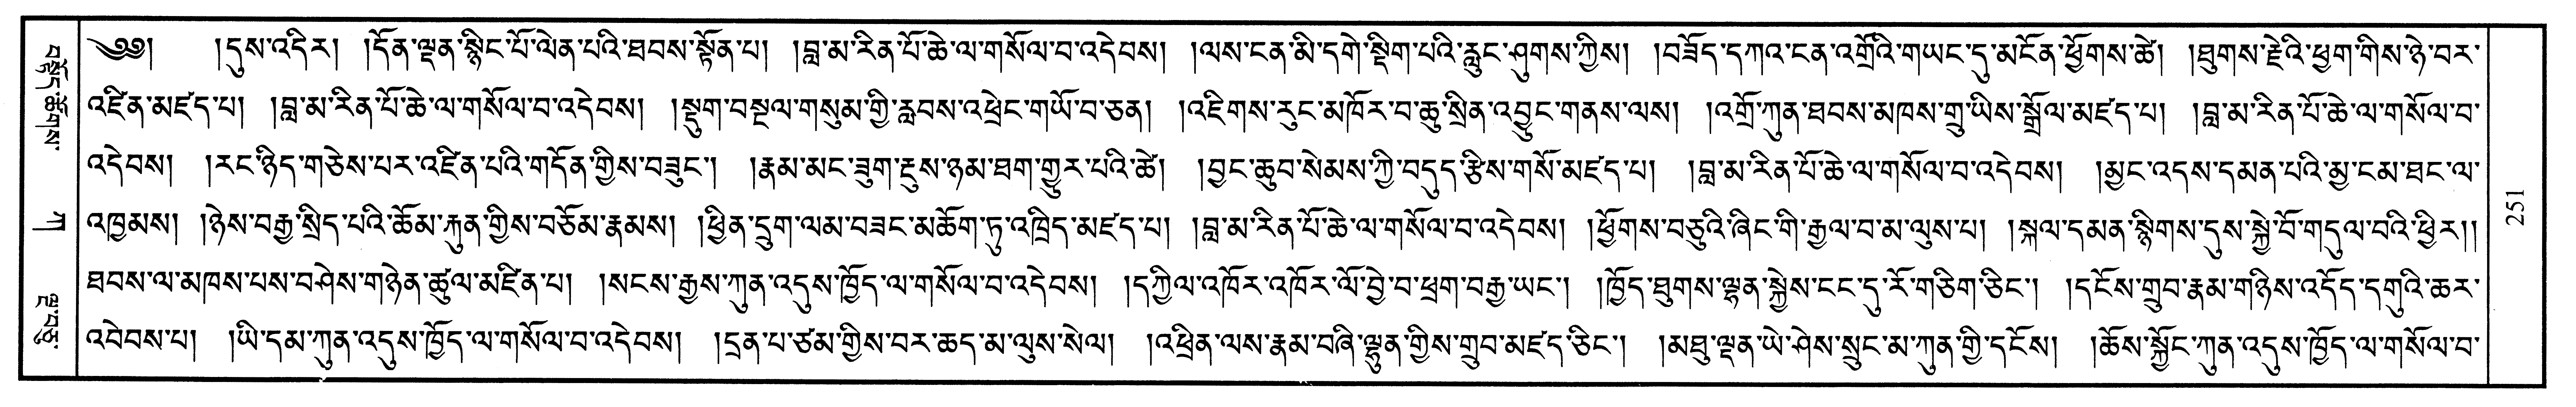༄༅། །དུས་འདིར། །དོན་ལྡན་སྙིང་པོ་ལེན་པའི་ཐབས་སྟོན་པ། །བླ་མ་རིན་པོ་ཆེ་ལ་གསོལ་བ་འདེབས། །ལས་ངན་མི་དགེ་སྡིག་པའི་རླུང་ཤུགས་ཀྱིས། །བཟོད་དཀའ་ངན་འགྲོའི་གཡང་དུ་མངོན་ཕྱོགས་ཚེ། །ཐུགས་རྗེའི་ཕྱག་གིས་ཉེ་བར་
འཛིན་མཛད་པ། །བླ་མ་རིན་པོ་ཆེ་ལ་གསོལ་བ་འདེབས། །སྡུག་བསྔལ་གསུམ་གྱི་རླབས་འཕྲེང་གཡོ་བ་ཅན། །འཇིགས་རུང་མཁོར་བ་ཆུ་སྲིན་འབྱུང་གནས་ལས། །འགྲོ་ཀུན་ཐབས་མཁས་གྲུ་ཡིས་སྒྲོལ་མཛད་པ། །བླ་མ་རིན་པོ་ཆེ་ལ་གསོལ་བ་
འདེབས། །རང་ཉིད་གཅེས་པར་འཛིན་པའི་གདོན་གྱིས་བཟུང་། །རྣམ་མང་ཟུག་རྔུས་ཉམ་ཐག་གྱུར་པའི་ཚེ། །བྱང་ཆུབ་སེམས་ཀྱི་བདུད་རྩིས་གསོལ་མཛད་པ། །བླ་མ་རིན་པོ་ཆེ་ལ་གསོལ་བ་འདེབས། །མྱང་འདས་དམན་པའི་མྱ་ངམ་ཐང་ལ་
འཁྱམས། །ཉེས་བརྒྱ་སྲིད་པའི་ཆོམ་རྐུན་གྱིས་བཅོམ་རྣམས། །ཕྱིན་དྲུག་ལམ་བཟང་མཆོག་ཏུ་འཁྲིད་མཛད་པ། །བླ་མ་རིན་པོ་ཆེ་ལ་གསོལ་བ་འདེབས། །ཕྱོགས་བཅུའི་ཞིང་གི་རྒྱལ་བ་མ་ལུས་པ། །སྐལ་དམན་སྙིགས་དུས་སྐྱེ་བོ་གདུལ་བའི་ཕྱིར། །
ཐབས་མཁས་པས་བཤེས་གཉེན་ཚུལ་མཛིན་པ། །སངས་རྒྱས་ཀུན་འདུས་ཁྱོད་ལ་གསོལ་བ་འདེབས། །དཀྱིལ་འཁོར་འཁོར་ལོ་བྱེ་བ་ཕྲག་བརྒྱ་ཡང་། །ཁྱོད་ཐུགས་ལྷན་སྐྱེས་ངང་དུ་རོ་གཅིག་ཅིང་། །དངོས་གྲུབ་རྣམ་གཉིས་འདོད་དགུའི་ཆར་
འབེབས་པ། །ཡི་དམ་ཀུན་འདུས་ཁྱོད་ལ་གསོལ་བ་འདེབས། །དྲན་པ་ཙམ་གྱིས་བར་ཆད་མ་ལུས་སེལ། །འཕྲིན་ལས་རྣམ་བཞི་ལྷུན་གྱིས་གྲུབ་མཛད་ཅིང་། །མཐུ་ལྡན་ཡེ་ཤེས་སྲུང་མ་ཀུན་གྱི་དངོས། །ཆོས་སྐྱོང་ཀུན་འདུས་ཁྱོད་ལ་གསོལ་བ་